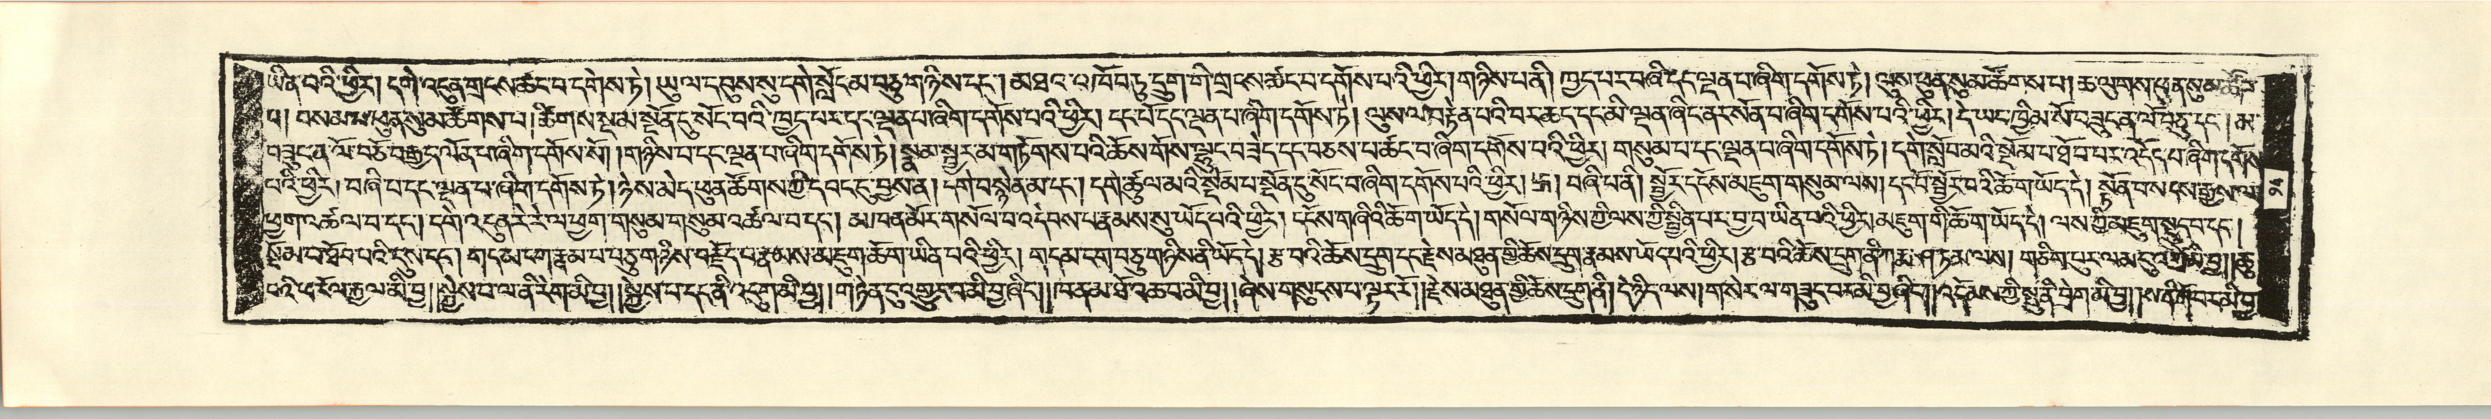ཡིན་པའི་ཕྱིར། དགེ་འདུན་གྲངས་ཚང་བ་དགེས་ཏེ། ཡུལ་དབུས་སུ་དགེ་སློང་མ་བཅུ་གཉིས་དང་། མཐའ་འཁོབ་ཏུ་དྲུག་གི་གྲངས་ཚང་བ་དགོས་པའི་ཕྱིར། གཉིས་པ་ནི། ཁྱད་པར་བཞི་དང་ལྡན་པ་ཞིག་དགོས་ཏེ། ལུས་ཕུན་སུམ་ཚོགས་པ། ཆ་ལུགས་ཕུན་སུམ་ཚོགས་
པ། བསམ་པ་ཕུན་སུམ་ཚོགས་པ། ཚིགས་སྔ་མ་སྔོན་དུ་སོང་བའི་ཁྱད་པར་དང་ལྡན་པ་ཞིག་དགོས་པའི་ཕྱིར། དང་པོ་དང་ལྡན་པ་ཞིག་དགོས་ཏེ། ལུས་ལ་བརྟེན་པའི་བར་ཆད་དང་མི་ལྡན་ཞིང་ནར་སོན་བ་ཞིག་དགོས་པའི་ཕྱིར། དེ་ཡང་ཁྱིམ་སོ་བཟུང་ན་ལོ་བཅུ་དང་། མ་
བཟུང་ན་ལོ་བཅོ་བརྒྱད་ལོན་པ་ཞིག་དགོས་སོ། །གཉིས་པ་དང་ལྡན་པ་ཞིག་དགོས་ཏེ། སྣམ་སྦྱར་མ་གཏོགས་པའི་ཆོས་གོས་ལྷུང་བཟེད་དང་བཅས་པ་ཚང་བ་ཞིག་དགོས་པའི་ཕྱིར། གསུམ་པ་དང་ལྡན་པ་ཞིག་དགོས་ཏེ། དགེ་སློབ་མའི་སྡོམ་པ་ཐོབ་པར་འདོད་པ་ཞིག་དགོས་
པའི་ཕྱིར། བཞི་པ་དང་ལྡན་པ་ཞིག་དགོས་ཏེ། ཉེས་མེད་ཕུན་ཚོགས་ཀྱི་དབང་དུ་བྱས་ན། དགེ་བསྙེན་མ་དང་། དགེ་ཚུལ་མའི་སྡོམ་པ་སྔོན་དུ་སོང་བ་ཞིག་དགོས་པའི་ཕྱིར། །བཞི་པ་ནི། སྦྱོར་དངོས་མཇུག་གསུམ་ལས། དང་པོ་སྦྱོར་བའི་ཆོ་ག་ཡོད་དེ། སྟོན་པ་སངས་རྒྱས་ལ་
ཕྱག་འཚལ་བ་དང་། དགེ་འདུན་རེ་རེ་ལ་ཕྱག་གསུམ་གསུམ་འཚལ་བ་དང་། མཁན་མོར་གསོལ་བ་འདེབས་པ་རྣམས་སུ་ཡོད་པའི་ཕྱིར། དངོས་གཞིའི་ཆོ་ག་ཡོད་དེ། གསོལ་གཉིས་ཀྱི་ལས་ཀྱི་སྦྱིན་པར་བྱ་བ་ཡིན་པའི་ཕྱིར། མཇུག་གི་ཆོ་ག་ཡོད་དེ། ལས་ཀྱི་མཇུག་སྡུད་པ་དང་།
སྡོམ་པ་ཐོབ་པའི་དུས་དང་། གདམ་ངག་རྣམ་པ་བཅུ་གཉིས་བརྗོད་པ་རྣམས་མཇུག་ཆོག་ཡིན་པའི་ཕྱིར། གདམ་ངག་བཅུ་གཉིས་ནི་ཡོད་དེ། རྩ་བའི་ཆོས་དྲུག་དང་རྗེས་མཐུན་གྱི་ཆོས་དྲུག་རྣམས་ཡོད་པའི་ཕྱིར། རྩ་བའི་ཆོས་དྲུག་ནི་ཀརྨ་ཤ་ཏམ་ལས། གཅིག་པུར་ལམ་དུ་འགྲོ་མི་བྱ། །ཆུ་
བའི་ཕ་རོལ་རྐྱལ་མི་བྱ། །སྐྱེས་བ་ལ་ནི་རེག་མི་བྱ། །སྐྱེས་བ་དང་ནི་འདུག་མི་བྱ། །གཉིན་དུ་འགྱུར་བ་མི་བྱ་ཞིང་། །ཁ་ན་མ་ཐོ་འཆབ་མི་བྱ། །ཞེས་གསུངས་པ་ལྟར་རོ། །རྗེས་མཐུན་གྱི་ཆོས་དྲུག་ནི། དེ་ཉིད་ལས། གསེར་ལ་གཟུང་བར་མི་བྱ་ཞིང་། །འདོམས་ཀྱི་སྤུ་ནི་བྲེག་མི་བྱ། །ས་ནི་གོ་བར་མི་བྱ་